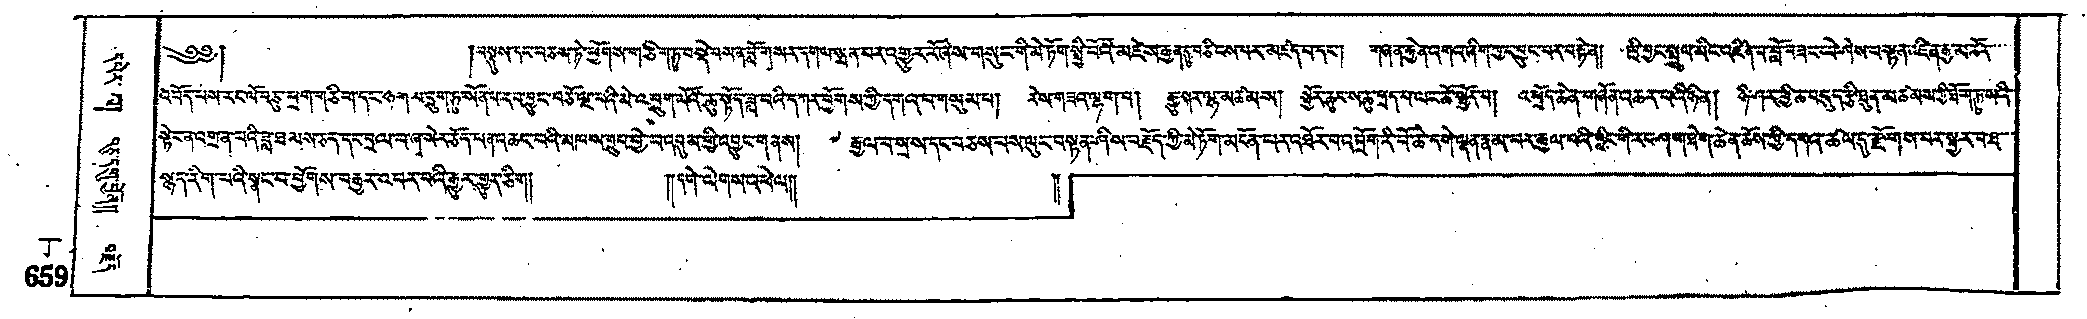༄༅། །བསྡུས་དང་བཅས་ཏེ་ཕྱོགས་གཅིག་ཏུ་བསྡེབས་ན་བློ་གསར་དག་ལ་སྨན་པར་འགྱུར་རོ་ཞེས་གསུང་གི་མེ་ཏོག་སྤྱི་བོའི་མཛེས་རྒྱན་དུ་བཅིངས་པར་མཛད་པ་དང་། གཞན་རྐྱེན་འགའ་ཞིག་ཀྱང་བྱུང་བར་བརྟེན། ཁྲི་བྱང་སྤྲུལ་མིང་འཛིན་པ་བློ་བཟང་ཡེ་ཤེས་བསྟན་འཛིན་རྒྱ་མཚོར་་་
འབོད་པས་རང་ལོ་བཅུ་ཕྲག་གཅིག་དང་ཉམ་མ་དྲུག་ཏུ་སོན་པ་རབ་བྱུང་བཅོ་ལྔ་པའི་མེ་འབྲུག་ལོའི་ཆུ་སྟོད་ཟླ་བའི་དཀར་ཕྱོགས་ཀྱི་དགའ་བ་གསུམ་པ། རེས་གཟའ་ལྷག་པ། རྒྱུ་སྐར་ལྷ་མཚམས། སྦྱོར་ཆུང་ས་ཆུ་ཕྲད་པ་ལང་ཚོ་སྦྱོར་བ། འཕྲོད་ཆེན་གཞོན་འཆར་བའི་ཉིན། ཉི་ཤར་ཕྱི་ཆ་བདུད་རྩི་ཐུན་མཚམས་ཀྱི་ཐོག་ཏུ་སའི་
སྟེང་ན་འགྲན་པའི་ཟླ་ཐམས་ཅད་དང་བྲལ་བ་ཞྭ་སེར་ཅོད་པན་འཆང་པའི་མཁས་གྲུབ་བྱེ་བ་འབུམ་གྱི་འབྱུང་གནས། ༧རྒྱལ་བས་སྲས་དང་བཅས་པས་ལུང་བསྟན་ཤིས་བརྗོད་ཀྱི་མེ་ཏོག་མངོན་པར་འཐོར་བ་འབྲོག་རི་བོ་ཆེ་དགེ་ལྡན་རྣམ་པར་རྒྱལ་བའི་གླིང་གི་རང་ཤག་ཐེག་ཆེན་ཆོས་ཀྱི་དགའ་ཚལ་དུ་རྫོགས་པར་སྦྱར་བ་ཐ་་་
སྙད་རིག་པའི་སྣང་བ་ཕྱོགས་བརྒྱར་འབར་བའི་རྒྱུར་གྱུར་ཅིག ། །།དགེ་ལེགས་འཕེལ།། །།